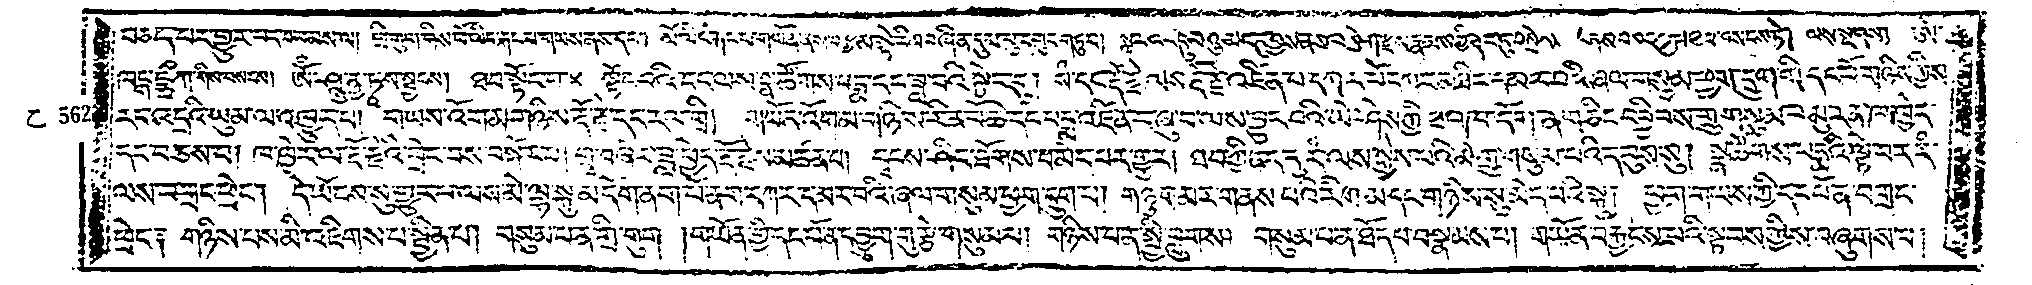བཅད་པར་གྱུར་བར་བསམས་ལ། གྲི་གུག་གིས་ཕོ་ལིང་རྐང་པ་གཡས་ནས་དང་། ལོ་ལིང་རྐང་པ་གཡོན་ནས་བཅས་སྟི་རིམ་བཞིན་དུམ་བུ་དགུར་གཏུབ།  དུམཱུ་མང་དུ་བྱས་ནས་བསྲེག་རྫས་རྣམས་ཀྱིས་ནང་དུ་བསྲེས་྾་ནས་བབ་????་བསངས་ཏེ། ལས་སྔགས། །ཨེ་
ཁངྒ་དྷྲཾཀ་གིས་བསངས།  ཨོཾ་ཤྙུ་ནྱ་ཏཱས་སྦྱངས། ཐབ་སྟོང་པ་྾་སྟོང་པའི་ངང་ལས་སྣ་ཚོགས་པདམ་དང་ཟླ་བའི་སྟེང་དུ། སཾ་དང་རྡོ་རྗེ་ལས་རྡོ་རྗེ་འཛིན་པ་དཀར་པོ་དཀར་མཐིང་དམར་བཾ་ནལ་གསུམ་ཕྱག་དྲུག་གི་དང་པོ་གཉིས་ཀྱིས་
རང་འདྲའི་ཡུམ་ལ་འཁྱུད་པ། གཡས་འོག་མ་གཉིས་རྡོ་རྗེ་དང་རལ་གྲི། །གཡོན་འོག་མ་གཉིས་རིན་པོ་ཆེ་དང་པདམ་འཛིན་བ་ཞུ་བ་ལས་བྱུང་བའི་ཡེ་ཤེས་ཀྱི་ཐབ་ཁ་དོག་ནག་ཅིང་དབྱིབས་གྲུ་གསུམ་བ་མུ་རན་ཁ་ཁྱེར་
དང་བཅས་པ། ཁ་ཁྱེར་ལ་རྡོ་རྗེའི་ཕྲེང་བས་བསྐོར་བ། གྲྭ་བཞིར་ཟླ་ཕྱེད་རྡོ་རྗེ་མཚན་པ། དྭངས་ཤིང་ཐོགས་པ་མེད་པར་གྱུར། ཐབ་ཀྱི་མད་དུ་རཾ་ལས་སྐྱེས་པའི་མེ་གྲུ་གསུམ་པའི་དབུས་སུ། །སྣ་ཚོགས་པདམའི་ལྟེ་བར་རཾ་
ལས་བགྲང་ཕྲེང་། །དེ་ཡོངས་སུ་གྱུར་པ་ལས་མེ་ལྷ་སྐུ་མདོག་ནག་པོ་ནག་དཀར་དམར་བའི་ཞལ་གསུམ་ཕྱག་དྲུག་པ། །གཉུར་མར་གནས་པའི་རིག་མ་དང་གཉིས་སུ་མེད་པའི་སྐུ། །ཕྱག་གཡས་ཀྱི་དང་པོན་བགྲང་
ཕྲེང༑ གཉིས་པས་མི་འཇིགས་པ་སྦྱིན་པ། གསུམ་པ་ན་གྲི་གུག །གཡོན་གྱི་དང་པོ་ན་དབྱུག་གུ་རྩེ་གསུམ་པ། གཉིས་པ་ན་སྤྱི་བླུགས། གསུམ་པ་ན་ཐོད་པ་བསྣམས་པ། གཡོན་བརྐྱངས་པའི་སྟོབས་ཀྱིས་བཞུགས་པ།